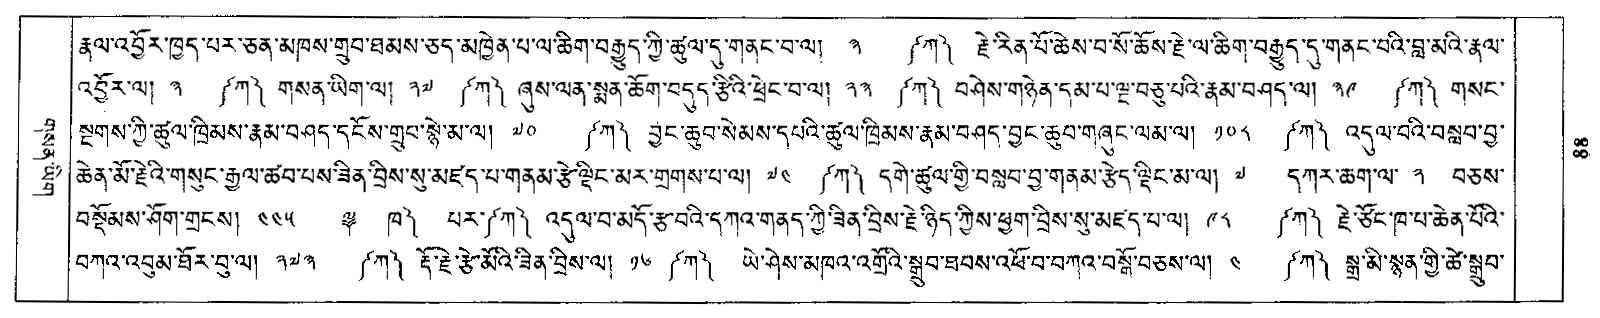རྣལ་འབྱོར་ཁྱད་པར་ཅན་མཁས་གྲུབ་ཐམས་ཅད་མཁྱེན་པ་ལ་ཆིག་བརྒྱུད་ཀྱི་ཚུལ་དུ་གནང་བ་ལ། ༣་?ཀ་རྗེ་རིན་པོ་ཆེས་བ་སོ་ཆོས་རྗེ་ལ་ཆིག་བརྒྱུད་དུ་གནང་བའི་བླ་མའི་རྣལ་
འབྱོར་ལ། ༣་?ཀ༼་གསན་ཡིག་ལ། ༢༧་?ཀ༽ ཞུས་ལན་སྨན་ཆོག་བདུད་རྩིའི་ཕྲེང་བ་ལ། ༢༣་?ཀ༼་བཤེས་གཉེན་དམ་པ་ལྔ་བཅུ་པའི་རྣམ་བཤད་ལ། ༣༤་?ཀ༽ གསང་
སྔགས་ཀྱི་ཚུལ་ཁྲིམས་རྣམ་བཤད་དངོས་གྲུབ་སྙེ་མ་ལ། ༧༠་?ཀ༼་བྱང་ཆུབ་སེམས་དཔའི་ཚུལ་ཁྲིམས་རྣམ་བཤད་བྱང་ཆུབ་གཞུང་ལམ་ལ། ༡༠༨་?ཀ༽ འདུལ་བའི་བསླབ་བྱ་
ཆེན་མོ་རྗེའི་གསུང་རྒྱལ་ཚབ་པས་ཟིན་བྲིས་སུ་མཛད་པ་གནམ་རྩེ་ལྡིང་མར་གྲགས་པ་ལ། ༧༤་?ཀ་དགེ་ཚུལ་གྱི་བསླབ་བྱ་གནམ་རྩེད་ལྡིང་མ་ལ། ༧་དཀར་ཆག་ལ ༢་བཅས་
བསྡོམས་ཤོག་གྲངས། ༤༤༥་༈ ཁ༼་པར་?ཀ༽ འདུལ་བ་མདོ་རྩ་བའི་དཀའ་གནད་ཀྱི་ཟིན་བྲིས་རྗེ་ཉིད་ཀྱིས་ཕྱག་བྲིས་སུ་མཛད་པ་ལ། ༩༨་?ཀ་རྗེ་རྩོང་ཁ་པ་ཆེན་པོའི་
བཀའ་འབུམ་ཐོར་བུ་ལ། ༢༧༣་?ཀ༼་རྡོ་རྗེ་རྩེ་མོའི་ཟིན་བྲིས་ལ། ༡༦་?ཀ༽ ཡེ་ཤེས་མཁའ་འགྲོའི་སྒྲུབ་ཐབས་འཕོ་བ་བཀའ་བསྒོ་བཅས་ལ། ༤་?ཀ་སྒྲ་མི་སྙན་གྱི་ཚེ་སྒྲུབ་